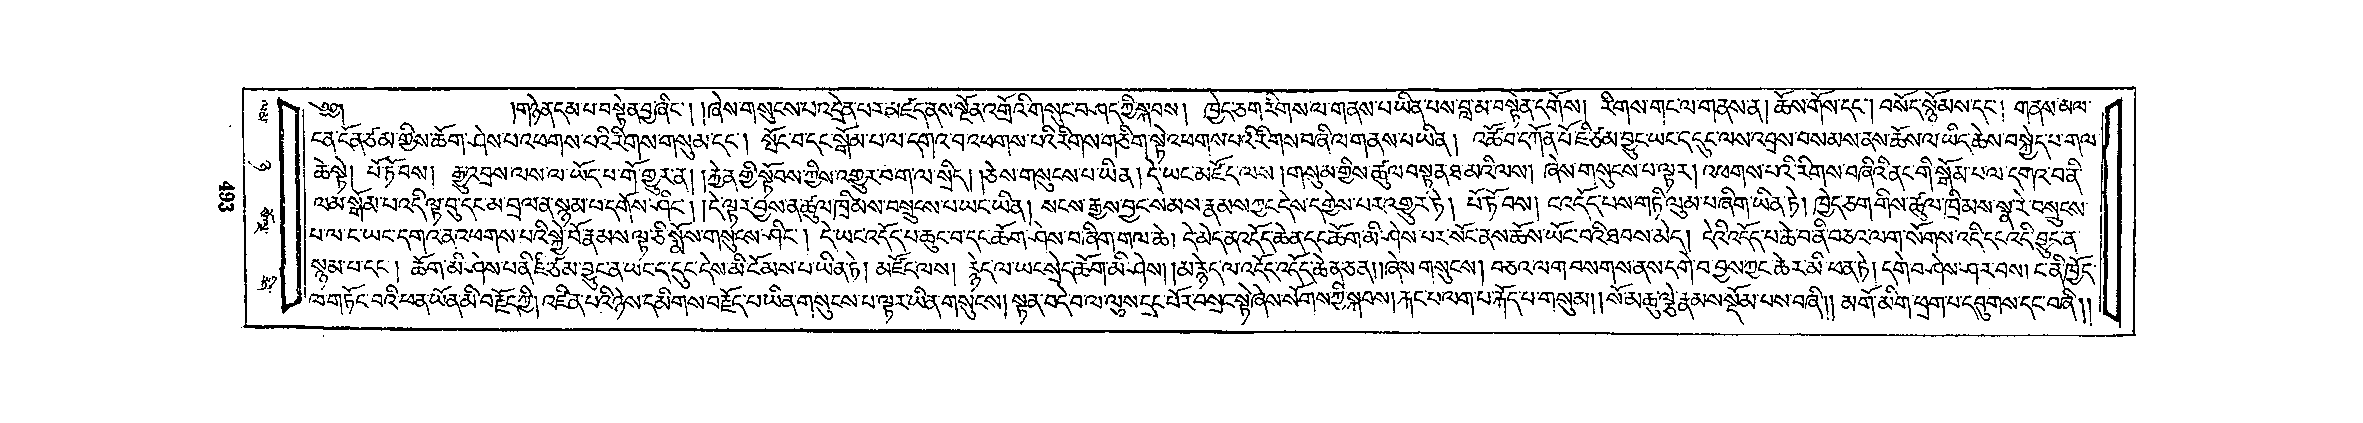༄༅། །གཉེན་དམ་པ་བསྟེན་བྱ་ཞིང་། །ཞེས་གསུངས་པ་འདྲེན་པར་མཛད་ནས་སྔོན་འགྲོའི་གསུང་བཤད་ཀྱི་སྐབས། ཁྱེད་ཅག་རིགས་ལ་གནས་པ་ཡིན་པས་བླ་མ་བསྟེན་དགོས། རིགས་གང་ལ་གནས་ན། ཆོས་གོས་དང་། བསོད་སྙོམས་དང་། གནས་མལ་
ངན་དོན་ཙམ་གྱིས་ཆོག་ཤེས་པ་འཕགས་པའི་རིགས་གསུམ་དང་། སྤོང་བ་དང་སྒོམ་པ་ལ་དགའ་བ་འཕགས་པའི་རིགས་གཅིག་སྟེ་འཕགས་པའི་རིགས་བཞི་ལ་གནས་པ་ཡིན། འཚོ་བ་དཀོན་པོ་ཇི་ཙམ་བྱུང་ཡང་ད་དུང་ལས་འབྲས་བསམས་ནས་ཆོས་ལ་ཡིད་ཆེས་བསྐྱེད་པ་གལ་
ཆེ་སྟེ། པོ་ཏོ་བས། རྒྱུ་འབྲས་ལས་ལ་ཡོད་པ་གོ་གྱུར་ན། །རྐྱེན་གྱི་སྟོབས་ཀྱིས་འགྱུར་བ་ག་ལ་སྲིད། །ཅེས་གསུངས་པ་ཡིན། དེ་ཡང་མཛོད་ལས། གསུམ་གྱིས་ཚུལ་བསྟན་ཐ་མའི་ལས། ཞེས་གསུངས་པ་ལྟར། འཕགས་པའི་རིགས་བཞིའི་ནང་གི་སྒོམ་པ་ལ་དགའ་བ་ནི་
ལམ་སྒོམ་པ་འདི་ལྟ་བུ་དང་མ་བྲལ་ན་སྙམ་པ་དགོས་ཤིང་། །དེ་ལྟར་བྱས་ན་ཚུལ་ཁྲིམས་བསྲུངས་པ་ཡང་ཡིན། སངས་རྒྱས་བྱང་སེམས་རྣམས་ཀྱང་དེས་དགྱེས་པར་འགྱུར་ཏེ། པོ་ཏོ་བས། ང་འདོད་པས་གཏི་ལུམ་པ་ཞིག་ཡིན་ཏེ། ཁྱེད་ཅག་གིས་ཚུལ་ཁྲིམས་སྣ་རེ་བསྲུངས་
པ་ལ་ང་ཡང་དགའ་ན་འཕགས་པའི་སྐྱེ་བོ་རྣམས་ལྟ་ཅི་སྨོས་གསུངས་ཤིང་། དེ་ཡང་འདོད་པ་ཆུང་བ་དང་ཆོག་ཤེས་བ་ཞིག་གལ་ཆེ། དེ་མེད་ན་འདོད་ཆེན་དང་ཆོག་མི་ཤེས་པར་སོང་ནས་ཆོས་ཡོང་བའི་ཐབས་མེད། དེའི་འདོད་པ་ཆེ་བ་ནི་བཅའ་ལག་སོགས་འདི་དང་འདི་བྱུང་ན་
སྙམ་པ་དང་། ཆོག་མི་ཤེས་པ་ནི་ཇི་ཙམ་བྱུང་ན་ཡང་ད་དུང་དེས་མི་ངོམས་པ་ཡིན་ཏེ། མཛོད་ལས། རྙེད་ལ་ཡང་སྲེད་ཆོག་མི་ཤེས། །མ་རྙེད་ལ་འདོད་འདོད་ཆེན་ཅན། །ཞེས་གསུངས། བཅའ་ལག་བསགས་ནས་དགེ་བ་བྱས་ཀྱང་ཆེར་མི་ཕན་ཏེ། དགེ་བཤེས་ཤར་བས། ང་ནི་ཁྱོད་
ལ་གཏོང་བའི་ཕན་ཡོན་མི་བརྗོད་ཀྱི། འཛིན་པའི་ཉེས་དམིགས་བརྗོད་པ་ཡིན་གསུངས་པ་ལྟར་ཡིན་གསུངས། སྟན་བདེ་བ་ལ་ལུས་དྲང་པོར་བསྲང་སྟེ་ཞེས་སོགས་ཀྱི་སྐབས། རྐང་པ་ལག་པ་རྐོད་པ་གསུམ། །སོ་མཆུ་ལྕེ་རྣམས་སྡོམ་པས་བཞི། །མགོ་མིག་ཕྲག་པ་དབུགས་དང་བཞི། །